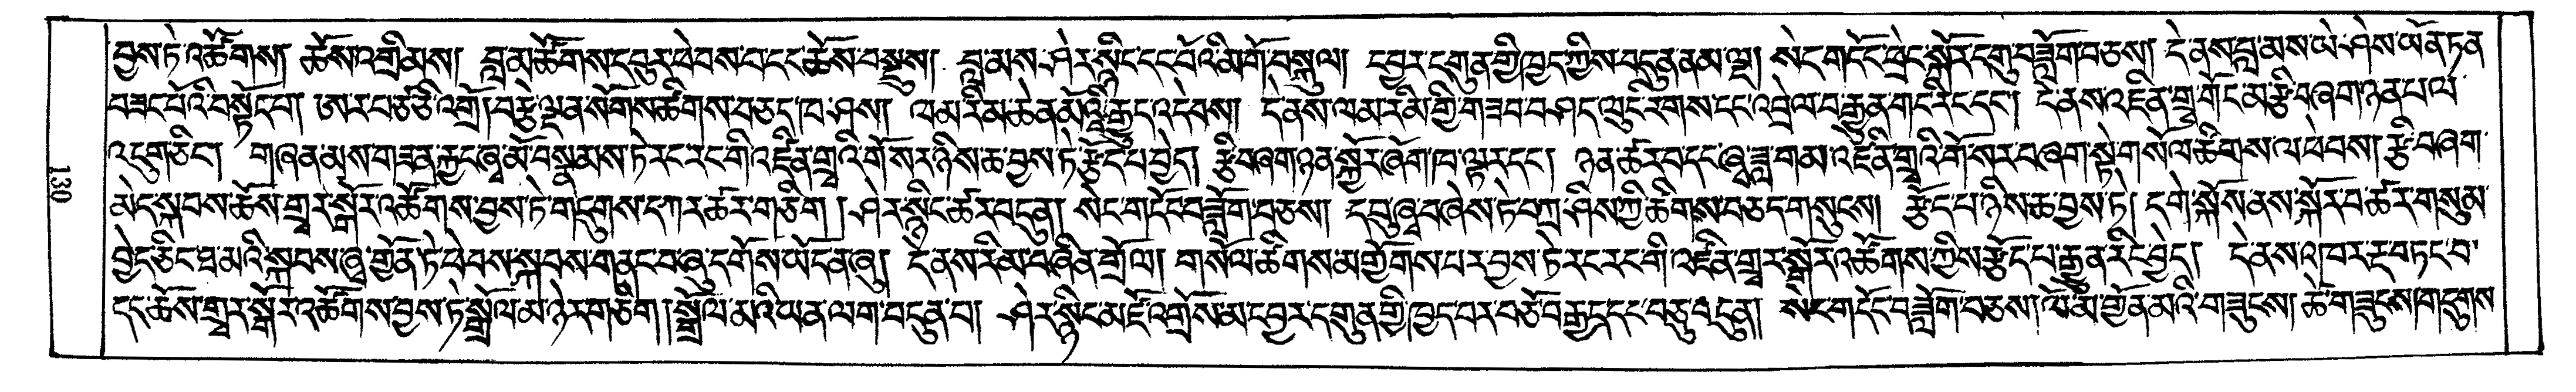བྱས་ཏེ་འཚོགས། ཆོས་འགྲིམས། བླ་མ་ཚོགས་དབུར་ཕེབས་པ་དང་ཆོས་བསྡུས། བླ་མས་ཤེར་སྙིང་དང་པོའི་མགོ་བསྐུལ། དབྱར་དགུན་གྱི་ཁྱད་ཀྱིས་བདུན་ནམ་ལྔ། སེང་གདོང་ཕྲེང་སྐོར་དགུ་བཟློག་བཅས། དེ་ནས་བླ་མས་ཡེ་ཤེས་ཡོན་ཏན་
བཟང་པོའི་བསྟོད་པ། ཨ་ར་པ་ཙ་ཅི་འགྲོ། བརྩེ་ལྡན་སོགས་ཚིགས་བཅད་ཁ་ཤས། ལམ་རིམ་ཆེན་མོའི་རྒྱུད་འདེབས། དེ་ནས་ལམ་རིམ་གྱི་གཟབ་བཤད་ལུང་རིགས་དང་འབྲེལ་བ་རྒྱུན་གང་རིང་དང་། དེ་ནས་འཛིན་གྲྭ་གོང་མ་རྩི་བཞག་ཉན་པ་ལ་
འདུག་ཅིང་། གཞན་མས་གཟན་རྐྱང་ཞྭ་མོ་བསྣམས་ཏེ་རང་རང་གི་འཛིན་གྲྭའི་གོ་སར་ཉིས་ཆ་བྱས་ཏེ་རྩོད་པ་བྱེད། རྩི་བཞག་ཉན་སྐྱོར་ཞོག་ཁ་ལྟར་དང་། ཉན་ཚར་བ་དང་ཞྭ་ཟླ་གམ་འཛིན་གྲྭའི་གོ་སར་བཞག་སྟེ་གསོལ་ཚིགས་ལ་ཕེབས། རྩི་བཞག་
མེད་སྐབས་ཚོས་གྲྭར་སྒོར་འཚོགས་བྱས་ཏེ་གདུགས་དཀར་ཚར་གཅིག །ཤེར་སྙིང་ཚར་བདུན། སེང་གདོང་བཟློག་བཅས། དབུ་ཞྭ་བཞེས་ཏེ་བཀྲ་ཤིས་ཀྱི་ཚིགས་བཅད་གསུངས། རྩོད་པ་ཉིས་ཆ་བྱས་ཏེ། དགེ་སྐོས་ནས་སོར་བ་ཚར་གསུམ་
བྱེད་ཅིང་ཐ་མའི་སྐབས་ཞྭ་གྱོན་ཏེ་ཕེབས་སྐབས་གནང་བ་ཞུ་དགོས་ཡོད་ན་ཞུ། དེ་ནས་རིམ་བཞིན་གྲོལ། གསོལ་ཚིགས་མགྱོགས་པར་བྱས་ཏེ་རང་རང་གི་འཛིན་གྲྭར་སྒོར་འཚོགས་ཀྱིས་རྩོད་པ་རྒྱུན་རིང་བྱེད། དེ་ནས་འཁར་རྔ་བཏང་བ་
དང་ཆོས་གྲྭར་སྒོར་འཚོགས་བྱས་ཏེ་སྒྲོལ་མ་ཉེར་གཅིག །སྒྲོལ་མའི་ཡན་ལག་བདུན་པ། ཤེར་སྙིང་མཛོ་འགྲོས་མ་དབྱར་དགུན་གྱི་ཁྱད་པར་བཅོ་བརྒྱད་དང་བཅུ་བདུན། སེང་གདོང་བཟློག་བཅས། ལོ་མ་གྱོན་མེའི་གཟུངས། ཚེ་གཟུངས། གདུགས་